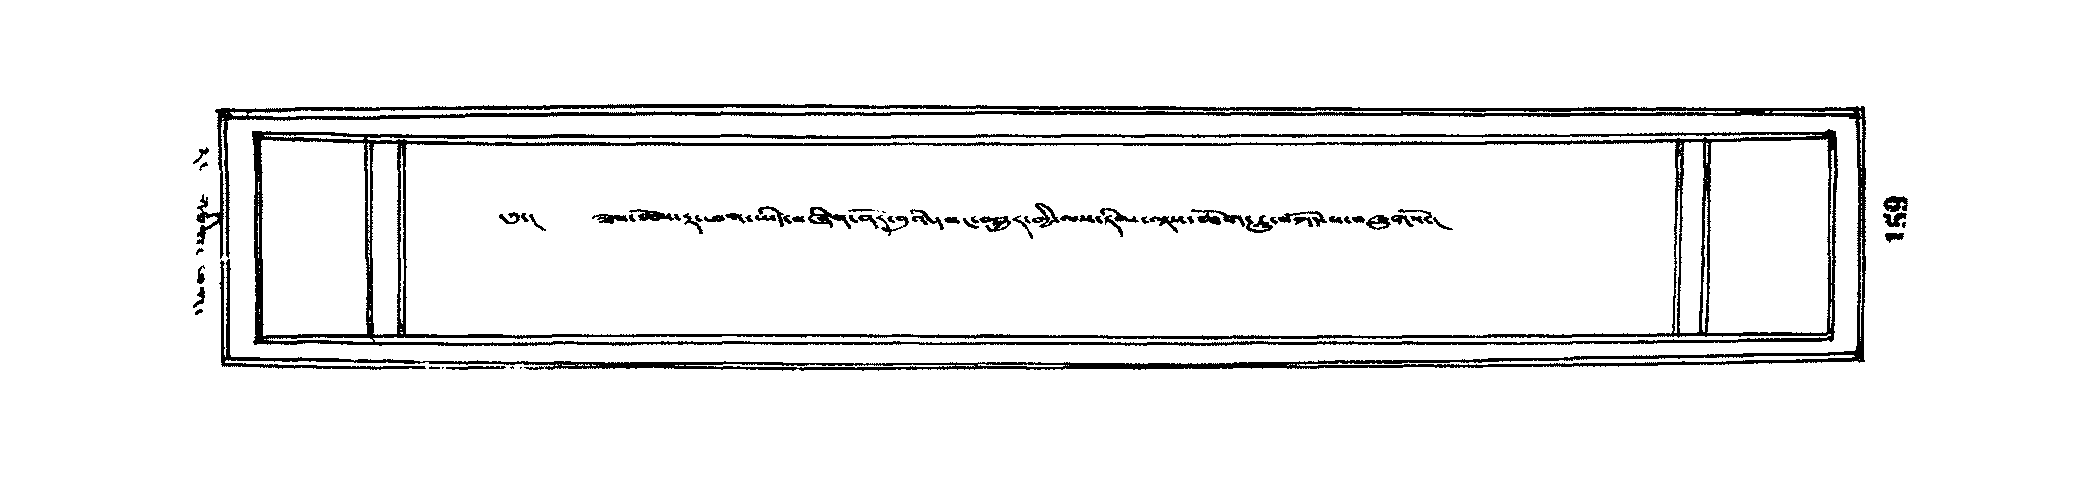༄། ཟས་ཆོས་རྟ་ཕག་ཡིད་བཞིན་ནོར་བུའི་དབང་བསྐུར་གྱི་ལས་རིམ་ལྟས་ཆོག་ཏུ་བཀོད་པ་བཞུགས་སོ།།